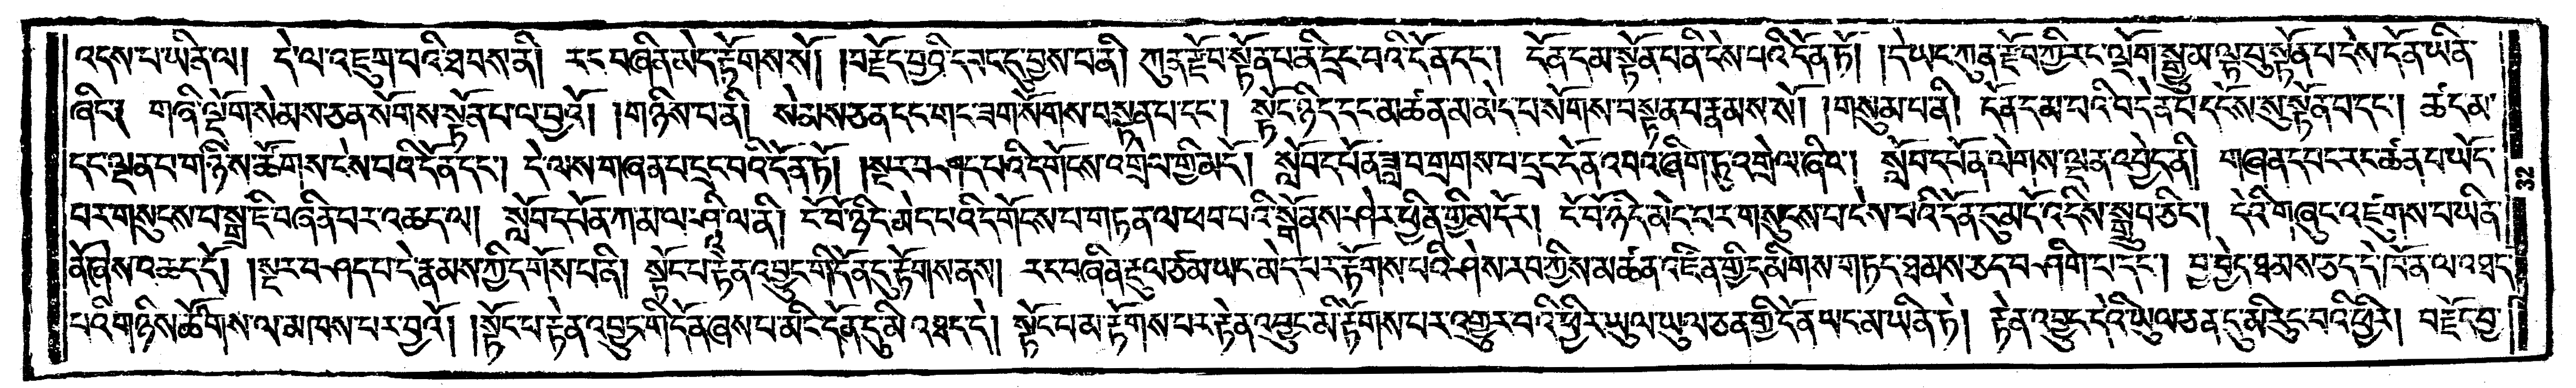འདས་པ་ཡིན་ལ། དེ་ལ་འཇུག་པའི་ཐབས་ནི། རང་བཞིན་མེད་རྟོགས་སོ། །བརྗོད་བྱའི་དབང་དུ་བྱས་པ་ནི། ཀུན་རྫོབ་སྟོན་པ་ནི་དྲང་བའི་དོན་དང་། དོན་དམ་སྟོན་པ་ནི་ངེས་པའི་དོན་ཏོ། །དེ་ཡང་ཀུན་རྫོབ་ཀྱི་རང་ལྡོག་སྒྱུ་མ་ལྟ་བུ་སྟོན་པ་ངེས་དོན་ཡིན་
ཞིང་། གཞི་ལྡོག་སེམས་ཅན་སོགས་སྟོན་པ་ལ་བྱའོ། །གཉིས་པ་ནི། སེམས་ཅན་དང་གང་ཟག་སོགས་བསྟན་པ་དང་། སྟོང་ཉིད་དང་མཚན་མ་མེད་པ་སོགས་བསྟན་པ་རྣམས་སོ། །གསུམ་པ་ནི། དོན་དམ་པའི་བདེན་པ་དངོས་སུ་སྟོན་པ་དང་། ཚད་མ་
དང་ལྡན་པ་གཉིས་ཚོགས་ངེས་པའི་དོན་དང་། དེ་ལས་གཞན་པ་དྲང་པའི་དོན་ཏོ། །སྔར་བཤད་པའི་དགོངས་འགྲེལ་གྱི་མདོ། སློབ་དཔོན་ཟླ་བ་གྲགས་པ་དྲང་དོན་འབའ་ཞིག་ཏུ་འགྲེལ་ཞིང་། སློབ་དཔོན་ལེགས་ལྡན་འབྱེད་ནི། གཞན་དབང་རང་མཚན་པ་ཡོད་
པར་གསུངས་པ་སྒྲ་ཇི་བཞིན་པར་འཆད་ལ། སློབ་དཔོན་ཀ་མ་ལ་ཤཱི་ལ་ནི། ངོ་བོ་ཉིད་མེད་པའི་དགོངས་པ་གཏན་ལ་ཕབ་པའི་སྒོ་ནས་ཤེར་ཕྱིན་གྱི་མདོར། ངོ་བོ་ཉིད་མེད་པར་གསུངས་པ་ངེས་པའི་དོན་དུ་མདོ་འདིས་སྒྲུབ་ཅིང་། དེའི་གཞུང་འཛུགས་པ་ཡིན་
ནོ་ཞེས་འཆད་དོ། །སྔར་བཤད་པ་དེ་རྣམས་ཀྱི་དགོས་པ་ནི། སྟོང་པ་རྟེན་འབྱུང་གི་དོན་དུ་རྟོགས་ནས། རང་བཞིན་རྡུལ་ཙམ་ཡང་མེད་པར་རྟོགས་པའི་ཤེས་རབ་ཀྱིས་མཚན་འཛིན་གྱི་དམིགས་གཏད་ཐམས་ཅད་བཤིག་པ་དང་། བྱ་བྱེད་ཐམས་ཅད་དེ་ཁོ་ན་ལ་འཐད་
པའི་གཉིས་ཚོགས་ལ་མཁས་པར་བྱའོ། །སྟོང་པ་རྟེན་འབྱུང་གི་དོན་ཞས་པ་མིང་དོན་དུ་མི་འཐད་དེ། སྟོང་པ་མ་རྟོགས་པར་རྟེན་འབྱུང་མི་རྟོགས་པར་འགྱུར་བའི་ཕྱིར་ཡུལ་ཡུལ་ཅན་གྱི་དོན་ཡང་མ་ཡིན་ཏེ། རྟེན་འབྱུང་དེའི་ཡུལ་ཅན་དུ་མི་རུང་བའི་ཕྱིར། བརྗོད་བྱ་